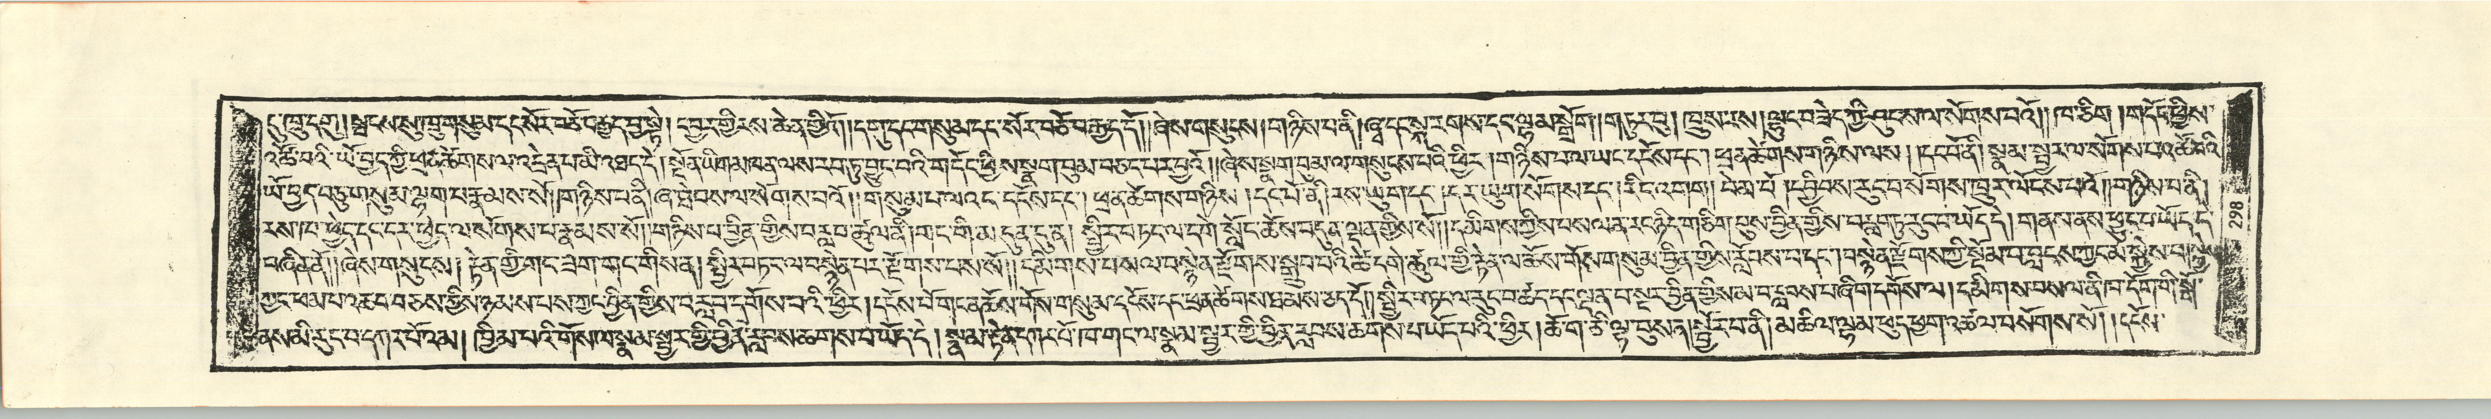དུ་ཁྲུ་དགུ། སྤངས་སུ་ཁྲུ་གསུམ་དང་སོར་བཅོ་བརྒྱད་བྱ་སྟེ། དབྱར་གྱི་རས་ཆེན་གྱིའོ། །དགུ་དང་གསུམ་དང་སོར་བཅོ་བརྒྱད་དོ། །ཞེས་གསུངས། གཉིས་པ་ནི། ཞྭ་དང་སྐ་རགས་དང་ལྷམ་སྒྲོག །གཏུར་བུ། ཁྲུས་རས། ལྷུང་བཟེད་ཀྱི་ཤུང་ས་ལ་སོགས་བའོ། །ཁ་ཅིག །གདོང་ཕྱིས་
འཚོ་བའི་ཡོ་བྱད་ཀྱི་ཕྲན་ཚེགས་ལ་འདྲེན་པ་མི་འཐད་དེ། སྔོན་ཡིག་མཁན་ལས་རབ་ཏུ་བྱུང་བའི་གདོང་ཕྱིས་སྣག་བུམ་བཅད་པར་བྱའོ། །ཞེས་སྣག་བུམ་ལ་གསུངས་པའི་ཕྱིར་།གཉིས་པ་ལ་ཡང་དངོས་དང་། ཕྲན་ཚེགས་གཉིས་ལས། །དང་པོ་ནི། སྣམ་སྦྱར་ལ་སོགས་པ་འཚོ་བའི་
ཡོ་བྱད་བཅུ་གསུམ་ལྷག་པ་རྣམས་སོ། །གཉིས་པ་ནི། ཞ་ཐེབས་ལ་སོགས་པའོ། །གསུམ་པ་ལའང་དངོས་དང་། ཕྲན་ཚོགས་གཉིས། དང་པོ་ནི། རས་ཡུག་དང་། དར་ཡུག་སོགས་དང་། རིང་འགག། བེམ་པོ། དབྱིབས་རུང་བ་སོགས་ཁྲུར་ལོངས་པའོ། །གཉིས་པ་ནི།
རས་ཁ་ཕྱེད་དང་དར་ཕྱེད་ལ་སོགས་པ་རྣམས་སོ། །གཉིས་པ་བྱིན་གྱིས་བརླབ་ཚུལ་ནི། གང་གི་མདུན་དུ་ན། སྤྱིར་བཏང་ལ་དགེ་སློང་ཆོས་བདུན་ལྡན་གྱིས་སོ། །དམིགས་ཀྱིས་བསལ་ན་རང་ཉིད་གཅིག་པུས་བྱིན་གྱིས་བརླབ་ཏུ་རུང་བ་ཡོད་དེ། གནས་ནས་ཕྱུང་བ་ཡོད་དེ།
བཞིན་ནོ། །ཞེས་གསུངས། རྟེན་གྱི་གང་ཟག་གང་གིས་ན། སྤྱིར་བཏང་ལ་བསྙེན་པར་རྫོགས་པས་སོ། །དམིགས་བསལ་བསྙེན་རྫོགས་སྒྲུབ་པའི་ཚེ་དགེ་ཚུལ་གྱི་རྟེན་ལ་ཆོས་གོས་གསུམ་བྱིན་གྱིས་རློབས་པ་དང་། བསྙེན་རྫོགས་ཀྱི་སྡོམ་པ་བླངས་ཀྱང་མ་སྐྱེས་བ། སྐྱེས་
ཀྱང་ཕམ་པ་འཆབ་བཅས་ཀྱིས་ཉམས་པས་ཀྱང་བྱིན་གྱིས་བརླབ་དགོས་པའི་ཕྱིར། དངོས་པོ་གང་ན་ཆོས་གོས་གསུམ་དངོས་དང་ཕྲན་ཚེགས་ཐམས་ཅད་དོ། །སྤྱིར་བཏང་ལ་རུང་བ་ཚད་དང་ལྡན་པ་སྔར་བྱིན་གྱིས་མ་བརླབས་པ་ཞིག་དགོས་ལ། དམིགས་བསལ་ནི་ཁ་དོག་གི་སྒོ་
ནས་མི་རུང་བ་དཀར་པོ་འམ། ཁྱིམ་པའི་གོས་ལ་སྣམ་སྤྱར་གྱི་བྱིན་རླབས་ཆགས་པ་ཡོད་དེ། སྣམ་རྟེན་དཀར་པོ་ཁ་གང་ལ་སྣམ་སྦྱར་གྱི་བྱིན་རླབས་ཆགས་པ་ཡོད་པའི་ཕྱིར། ཆོ་ག་ཅི་ལྟ་བུས་ན། སྦྱོར་བ་ནི། མཆིལ་ལྷམ་ཕུད་ཕྱག་འཚལ་བ་སོགས་སོ། །དངོས་